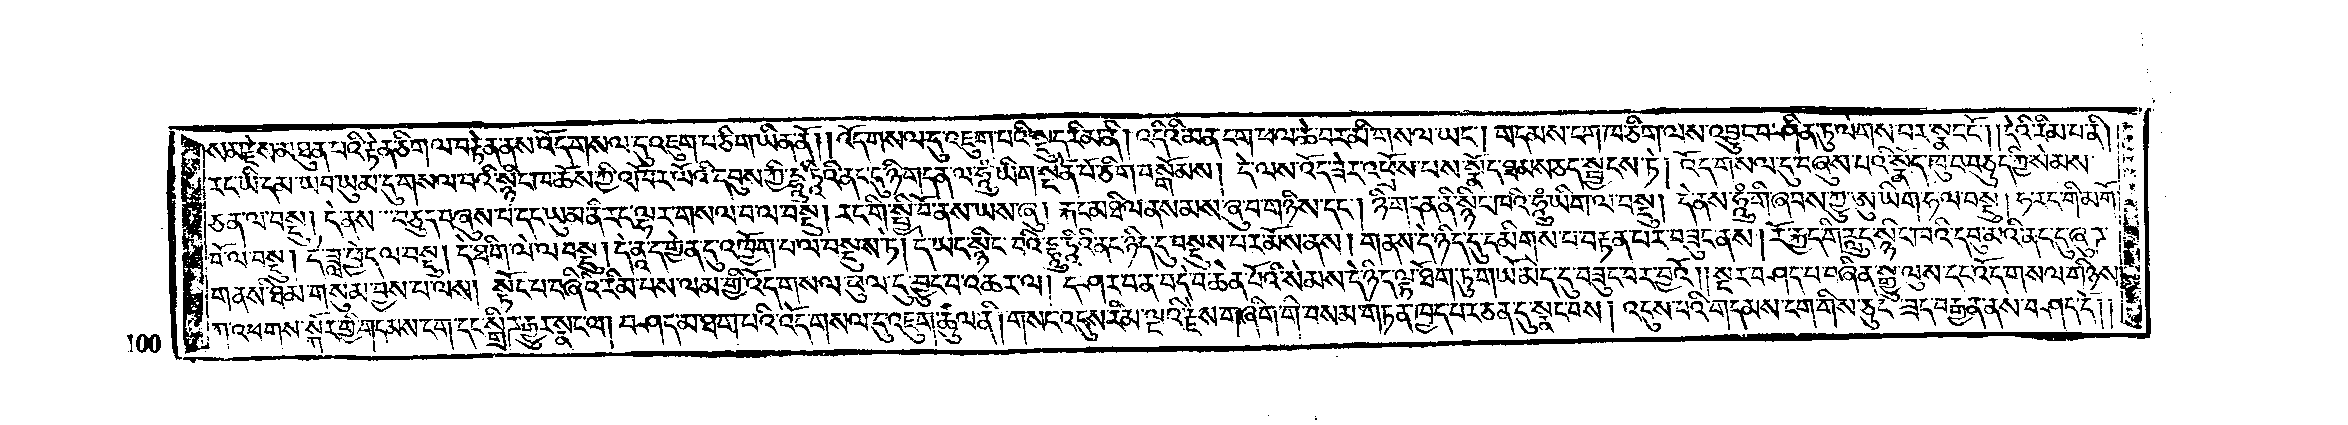སམ་རྗེས་མཐུན་པའི་རྟེན་ཅིག་ལ་བརྟེན་ནས་འོད་གསལ་དུ་འཇུག་པ་ཅིག་ཡིན་ནོ། །འོད་གསལ་དུ་འཇུག་པའི་སྡུད་རིམ་ནི། འདིའི་མན་ངག་ཕལ་ཆེ་བར་མི་གསལ་ཡང་། གདམས་ངག་ཁ་ཅིག་ལས་འབྱུང་བ་ཤིན་ཏུ་ལེགས་པར་སྣང་ངོ། །དེའི་རིམ་པ་ནི།
རང་ཡི་དམ་ཡབ་ཡུམ་དུ་གསལ་བའི་སྙིང་ཁ་ཆོས་ཀྱི་འཁོར་ལོའི་དབུས་ཀྱི་དྷཱུ་ཏཱིའི་ནང་དུ་ཉི་གདན་ལ་ཧཱུཾ་ཡིག་སྔོན་པོ་ཅིག་བསྒོམས། དེ་ལས་འོད་ཟེར་འཕྲོས་པས་སྣོད་ཐམས་ཅད་སྦྱངས་ཏེ། འོད་གསལ་དུ་བཞུས་པའི་སྣོད་ཁུ་བ་བཅུད་ཀྱི་སེམས་
ཅན་ལ་བསྡུ། དེ་ནས་བཅུད་བཞུས་པ་དང་ཡུམ་ནི་རང་ལྷར་གསལ་བ་ལ་བསྡུ། རང་གི་སྤྱི་བོ་ནས་ཡས་ཞུ། རྐང་མཐིལ་ནས་མས་ཞུ་བ་གཉིས་དང་། ཉི་གདན་ནི་སྙིང་ཁའི་ཧཱུཾ་ཡིག་ལ་བསྡུ། དེ་ནས་ཧཱུཾ་གི་ཞབས་ཀྱུ་ཨུ་ཡིག་ཧ་ལ་བསྡུ། ཧ་རང་གི་མགོ་
བོ་ལ་བསྡུ། དེ་ཟླ་ཕྱེད་ལ་བསྡུ། དེ་ཐིག་ལེ་ལ་བསྡུ། དེ་ནཱ་ད་གྱེན་དུ་འཁྱོག་པ་ལ་བསྡུས་ཏེ། དེ་ཡང་སྙིང་ཁའི་དྷཱུ་ཏཱིའི་ནང་ཉིད་དུ་བསྡུས་པར་མོས་ནས། གནས་དེ་ཉིད་དུ་དམིགས་པ་བརྟན་པར་བཟུང་ནས། རོ་རྐྱང་གི་རླུང་སྙིང་ཁའི་དབུ་མའི་ནང་དུ་ཞུགས་
གནས་ཐིམ་གསུམ་བྱས་པ་ལས། སྟོང་པ་བཞིའི་རིམ་པས་ལམ་གྱི་འོད་གསལ་ཕུལ་དུ་བྱུང་བ་འཆར་ལ། དེ་ཤར་བ་ན་བདེ་བ་ཆེན་པོའི་སེམས་དེ་ཉིད་ལྟ་ཐོག་ཏུ་གཡོ་མེད་དུ་བཟུང་བར་བྱའོ། །སྔར་བཤད་པ་བཞིན་སྒྱུ་ལུས་དང་འོད་གསལ་གཉིས་
ཀ་འཕགས་སྐོར་གྱི་གདམས་ངག་དང་སྒྲིགས་རྒྱུར་སྣང་ལ། བཤད་མ་ཐག་པའི་འོད་གསལ་དུ་འཇུག་ཚུལ་ནི། གསང་འདུས་རིམ་ལྔའི་རྗེས་གཞིག་གི་བསམ་གཏན་ཁྱད་པར་ཅན་དུ་སྣང་བས། འདུས་པའི་གདམས་ངག་གིས་ཅུང་ཟད་བརྒྱན་ནས་བཤད་དོ། །